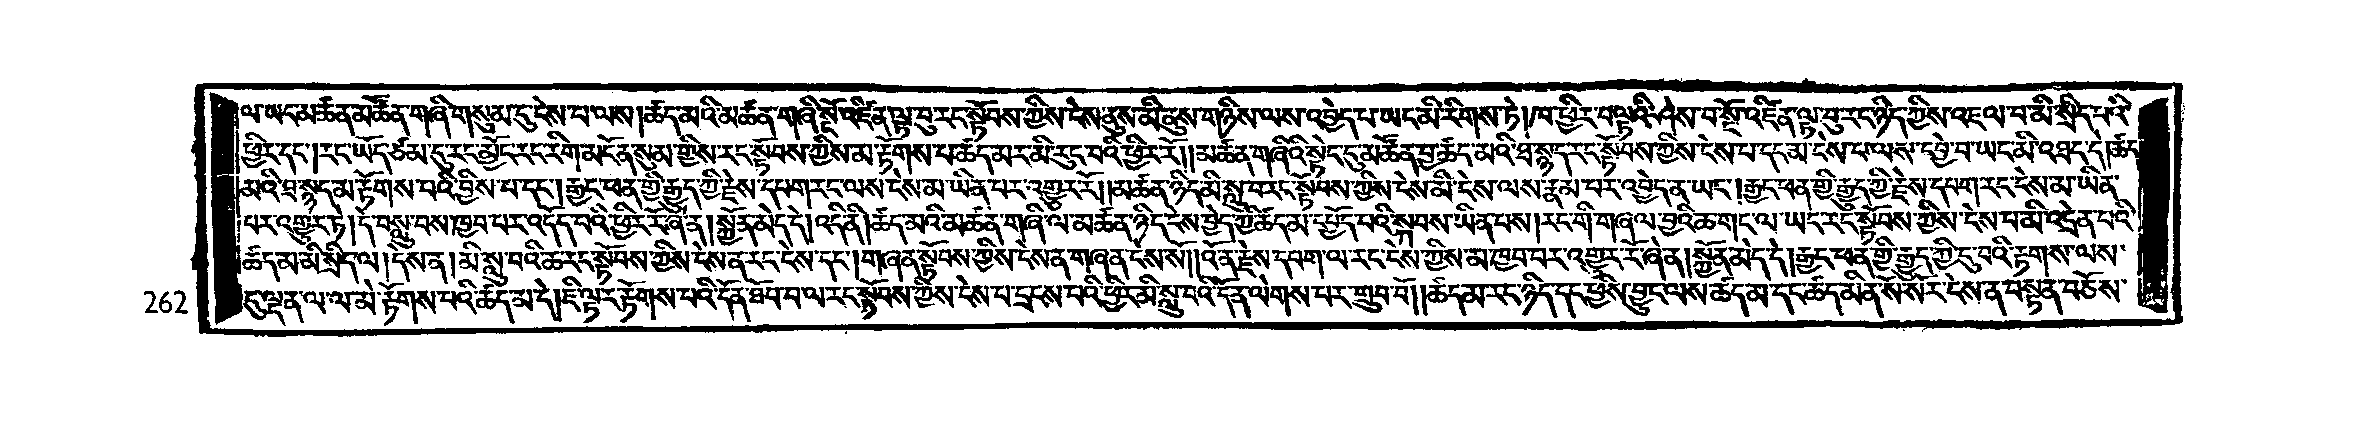ལ་ཡང་མཚན་མཚོན་གཞི་གསུམ་དུ་ངེས་པ་ལས། ཚད་མའི་མཚན་གཞི་སྔོ་འཛིན་ལྟ་བུ་རང་སྟོབས་ཀྱིས་ངེས་ནུས་མི་ནུས་གཉིས་ལས་འབྱེད་པ་ཡང་མི་རིགས་ཏེ། ཁ་ཕྱིར་བལྟའི་ཤེས་པ་སྔོ་འཛིན་ལྟ་བུ་རང་ཉིད་ཀྱིས་འཇལ་བ་མི་སྲིད་པའི་
ཕྱིར་དང་། རང་ཡོད་ཙམ་དུ་རང་མྱོང་རང་རིག་མངོན་སུམ་གྱིས་རང་སྟོབས་ཀྱིས་མ་རྟོགས་པ་ཚད་མར་མི་རུང་བའི་ཕྱིར་རོ། །མཚན་གཞིའི་སྟེང་དུ་མཚོན་བྱ་ཚད་མའི་ཐ་སྙད་རང་སྟོབས་ཀྱིས་ངེས་པ་དང་མ་ངེས་པ་ལས་དབྱེ་བ་ཡང་མི་འཐད་དེ། ཚད་
མའི་ཐ་སྙད་མ་རྟོགས་པའི་བྱིས་པ་དང་། རྒྱང་ཕན་གྱི་རྒྱུད་ཀྱི་རྗེས་དཔག་རང་ལས་ངེས་མ་ཡིན་པར་འགྱུར་རོ། །མཚན་ཉིད་མི་སླུ་བ་རང་སྟོབས་ཀྱིས་ངེས་མི་ངེས་ལས་རྣམ་པར་འབྱེད་ན་ཡང་། རྒྱང་ཕན་གྱི་རྒྱུད་ཀྱི་རྗེས་དཔག་རང་ངེས་མ་ཡིན་
པར་འགྱུར་ཏེ། དེ་བསླུ་བས་ཁྱབ་པར་འདོད་པའི་ཕྱིར་རོ་ཞེ་ན། སྐྱོན་མེད་དེ། འདི་ནི། ཚད་མའི་མཚན་གཞི་ལ་མཚན་ཉིད་ངེས་བྱེད་ཀྱི་ཚད་མ་དཔྱོད་པའི་སྐབས་ཡིན་པས། རང་གི་གཞལ་བྱའི་ཆ་གང་ལ་ཡང་རང་སྟོབས་ཀྱིས་ངེས་པ་མི་འདྲེན་པའི་
ཚད་མ་མི་སྲིད་ལ། དེས་ན། མི་སླུ་བའི་ཆ་རང་སྟོབས་ཀྱིས་ངེས་ན་རང་ངེས་དང་། གཞན་སྟོབས་ཀྱིས་ངེས་ན་གཞན་ངེས་སོ། །འོ་ན་རྗེས་དཔག་ལ་རང་ངེས་ཀྱིས་མ་ཁྱབ་པར་འགྱུར་རོ་ཞེ་ན། སྐྱོན་མེད་དེ། རྒྱང་ཕན་གྱི་རྒྱུད་ཀྱི་དུ་བའི་རྟགས་ལས་
དུ་ལྡན་ལ་ལ་མེ་རྟོགས་པའི་ཚད་མ་དེ། ཇི་ལྟར་རྟོགས་པའི་དོན་ཐོབ་པ་ལ་རང་སྟོབས་ཀྱིས་ངེས་པ་དྲངས་པའི་ཕྱིར་མི་སླུ་བའི་དོན་ལེགས་པར་གྲུབ་བོ། །ཚད་མ་རང་ཉིད་དང་ཕྱིས་བྱུང་ལས་ཚད་མ་དང་ཚད་མིན་སོ་སོར་ངེས་ན་བསྟན་བཅོས་